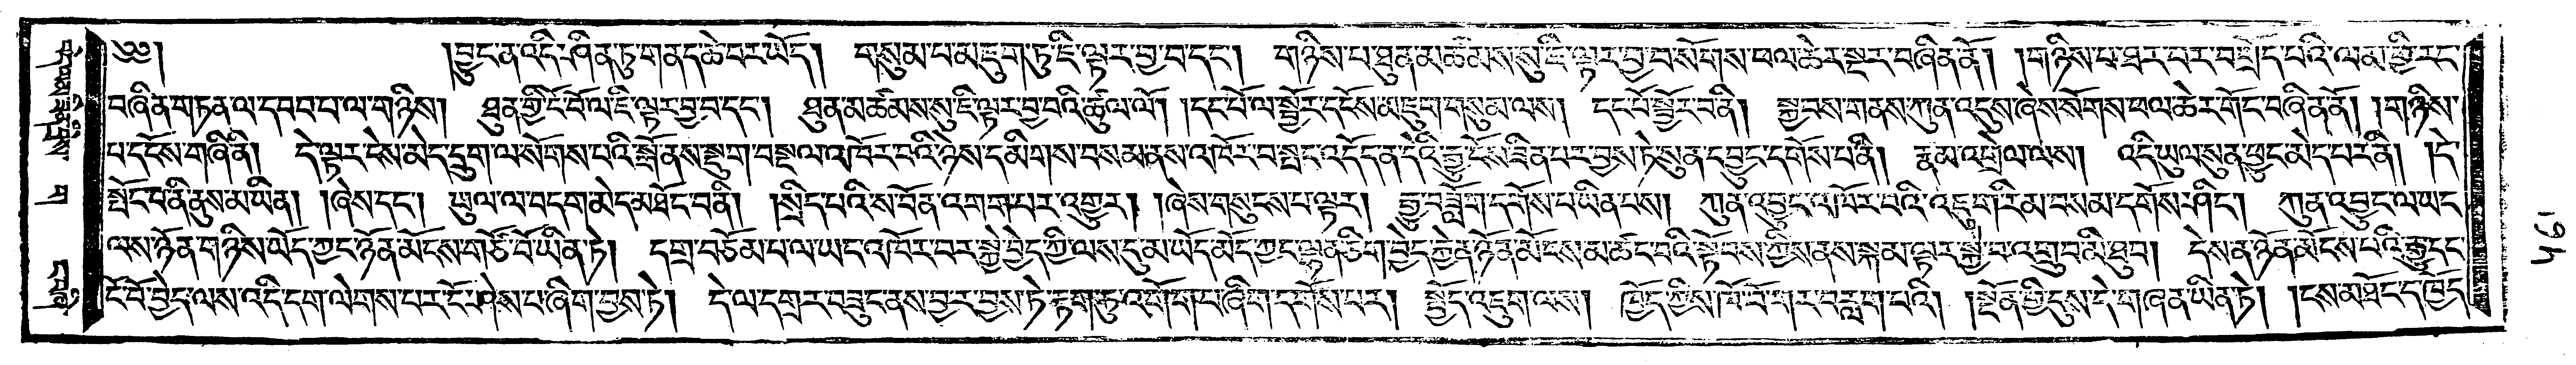༄༅། །བྱུང་ན་འདི་ཤིན་ཏུ་གནད་ཆེ་བར་ཡོད། གསུམ་པ་མཇུག་ཅུ་ཇི་ལྟར་བྱ་བ་དང་། གཉིས་པ་ཐུན་མཚམས་སུ་ཇི་ལྟར་བྱ་བ་སོགས་ཕལ་ཆེར་སྔར་བཞིན་ནོ། །གཉིས་པ་ཐར་པར་བགྲོད་པའི་ལམ་གྱི་རང་
བཞིན་གཏན་ལ་དབབ་པ་ལ་གཉིས། ཐུན་གྱི་ངོ་བོ་ལ་ཇི་ལྟར་བྱ་བ་དང་། ཐུན་མཚམས་སུ་ཇི་ལྟར་བྱ་བའི་ཚུལ་ལོ། །དང་པོ་ལ་སྦྱོར་དངོས་མཇུག་གསུམ་ལས། དང་པོ་སྦྱོར་བ་ནི། སྐྱབས་གནས་ཀུན་འདུས་ཞེས་སོགས་ཕལ་ཆེར་གོང་བཞིན་ནོ། །གཉིས་
པ་དངོས་གཞི་ནི། དེ་ལྟར་ངེས་མེད་དྲུག་པ་ལ་སོགས་པའི་སྒོ་ནས་སྡུག་བསྔལ་འཁོར་བའི་ཉེས་དམིགས་བསམ་ནས་འཁོར་བ་སྤང་འདོད་ན་དེའི་རྒྱུ་ངོས་ཟིན་པར་བྱས་ཏེ་སུན་འབྱུང་དགོས་པ་ནི། རྣམ་འགྲེལ་ལས། འདི་ཡུལ་སུན་ཕྱུང་མེད་པར་ནི། དེ་
སྤོང་བ་ནི་ནུས་མ་ཡིན། །ཞེས་དང་། ཡུལ་ལ་བདག་མེད་མཐོང་བ་ནི། །སྲིད་པའི་ས་བོན་འགག་པར་འགྱུར། །ཞེས་གསུངས་པ་ལྟར། རྒྱུ་བཟློག་དགོས་པ་ཡིན་པས། ཀུན་འབྱུང་འཁོར་བའི་འཇུག་རིམ་བསམ་དགོས་ཤིང་། ཀུན་འབྱུང་ལ་ཡང་
ལས་ཉོན་གཉིས་ཡོད་ཀྱང་ཉོན་མོངས་གཙོ་བོ་ཡིན་ཏེ། དགྲ་བཅོམ་པ་ལ་ཡང་འཁོར་བར་སྐྱེ་བྱེད་ཀྱི་ལས་དུ་མ་ཡོད་མདོ་ཀྱང་ལྷན་ཅིག་བྱེད་རྐྱེན་ཉོན་མོངས་མ་ཚང་བའི་སྟོབས་ཀྱིས་ནས་སྐམ་ལྟར་སྐྱེ་བ་འགྲུབ་མི་ཐུབ། དེས་ན་ཉོན་མོངས་པའི་རྒྱུ་དང་
ངོ་བོ་བྱེད་ལས་འདི་དག་ལེགས་པར་ངོ་ཤེས་པ་ཞིག་བྱས་ཏེ། དེ་ལ་དགྲར་བཟུང་ནས་བྱར་བྱས་ཏེ་རྟག་ཏུ་འགོག་པ་ཞིག་དགོས་པར། སྤྱོད་འཇུག་ལས། ཁྱོད་ཀྱིས་ཁོ་བོ་གར་བརླག་པའི། །སྔོན་གྱི་དུས་དེ་གཞན་ཡིན་ཏེ། །ངས་མཐོང་ད་ཁྱོད་